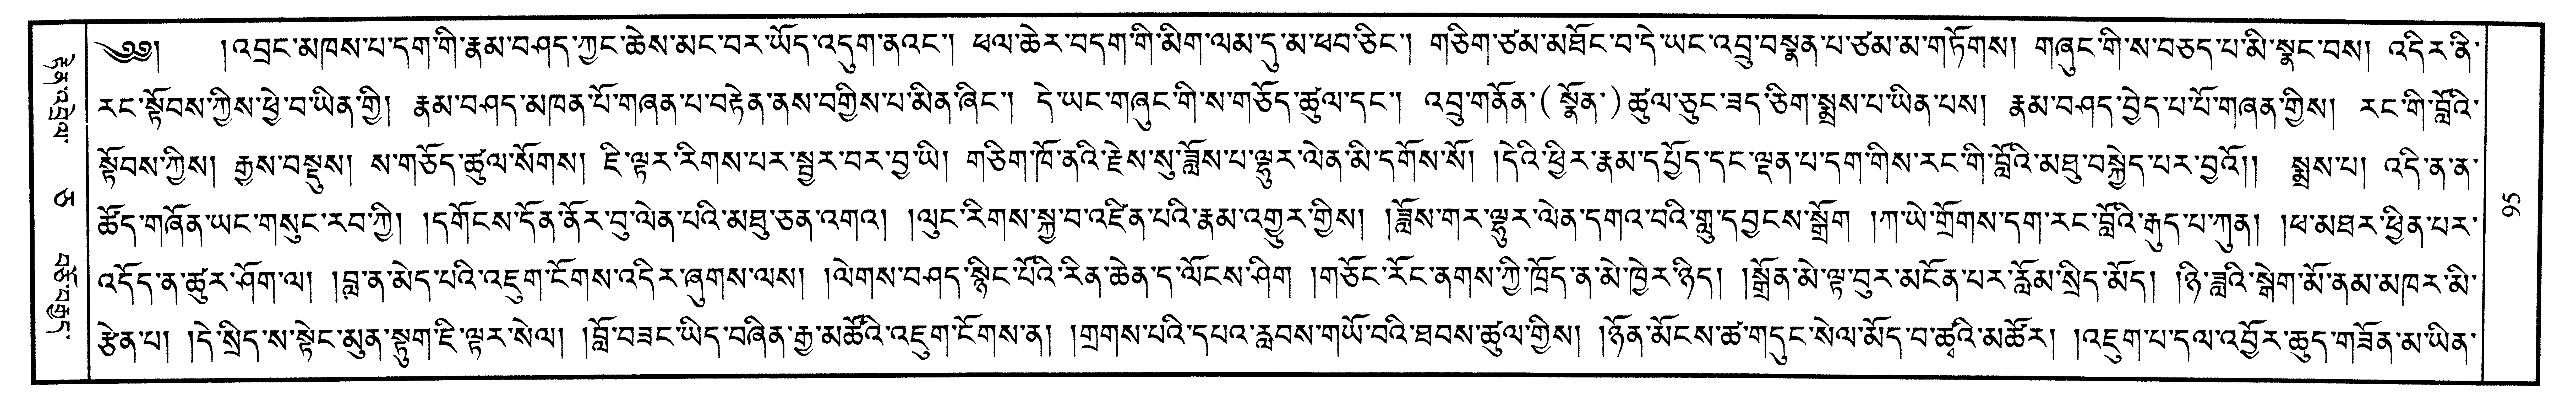༄༅། །འབྲང་མཁས་པ་དག་གི་རྣམ་བཤད་ཀྱང་ཆེས་མང་བར་ཡོད་འདུག་ནའང་། ཕལ་ཆེར་བདག་གི་མིག་ལམ་དུ་མ་ཕབ་ཅིང་། གཅིག་ཙམ་མཐོང་བ་དེ་ཡང་འབྲུ་བསྣན་པ་ཙམ་མ་གཏོགས། གཞུང་གི་ས་བཅད་པ་མི་སྣང་བས། འདིར་ནི་
རང་སྟོབས་ཀྱིས་ཕྱེ་བ་ཡིན་གྱི། རྣམ་བཤད་མཁན་པོ་གཞན་པ་བརྟེན་ནས་བགྱིས་པ་མིན་ཞིང་། དེ་ཡང་གཞུང་གི་ས་གཅོད་ཚུལ་དང་། འབྲུ་གནོན་སྣོན་ཚུལ་ཅུང་ཟད་ཅིག་སྨྲས་པ་ཡིན་པས། རྣམ་བཤད་བྱེད་པ་པོ་གཞན་གྱིས། རང་གི་བློའི་
སྟོབས་ཀྱིས། རྒྱས་བསྡུས། ས་གཅོད་ཚུལ་སོགས། ཇི་ལྟར་རིགས་པར་སྦྱར་བར་བྱ་ཡི། གཅིག་ཁོ་ནའི་རྗེས་སུ་ཟློས་པ་ལྷུར་ལེན་མི་དགོས་སོ། །དེའི་ཕྱིར་རྣམ་དཔྱོད་དང་ལྡན་པ་དག་གིས་རང་གི་བློའི་མཐུ་བསྐྱེད་པར་བྱའོ།། སྨྲས་པ། འདི་ན་ན་
ཚོད་གཞོན་ཡང་གསུང་རབ་ཀྱི། །དགོངས་དོན་ནོར་བུ་ལེན་པའི་མཐུ་ཅན་འགའ། །ལུང་རིགས་སྐྱ་བ་འཛིན་པའི་རྣམ་འགྱུར་གྱིས། །ཟློས་གར་ལྷུར་ལེན་དགའ་བའི་གླུ་དབྱངས་སྒྲོག །ཀ་ཡེ་གྲོགས་དག་རང་བློའི་རྒུད་པ་ཀུན། །ཕ་མཐར་ཕྱིན་པར་
འདོད་ན་ཚུར་ཤོག་ལ། །བླ་ན་མེད་པའི་འཇུག་ངོགས་འདིར་ཞུགས་ལས། །ལེགས་བཤད་སྙིང་པོའི་རིན་ཆེན་ད་ལོངས་ཤིག །གཅོང་རོང་ནགས་ཀྱི་ཁྲོད་ན་མེ་ཁྱེར་ཉིད། །སྒྲོན་མེ་ལྟ་བུར་མངོན་པར་རློམ་སྲིད་མོད། །ཉི་ཟླའི་སྒེག་མོ་ནམ་མཁར་མི་
རྩེན་པ། །དེ་སྲིད་ས་སྟེང་མུན་སྟུག་ཇི་ལྟར་སེལ། །བློ་བཟང་ཡིད་བཞིན་རྒྱ་མཚོའི་འཇུག་ངོགས་ན། །གྲགས་པའི་དཔའ་རླབས་གཡོ་བའི་ཐབས་ཚུལ་གྱིས། །ཉོན་མོངས་ཚ་གདུང་སེལ་མོད་བ་ཚྭའི་མཚོར། །འཇུག་པ་དལ་འབྱོར་ཆུད་གཟོན་མ་ཡིན་